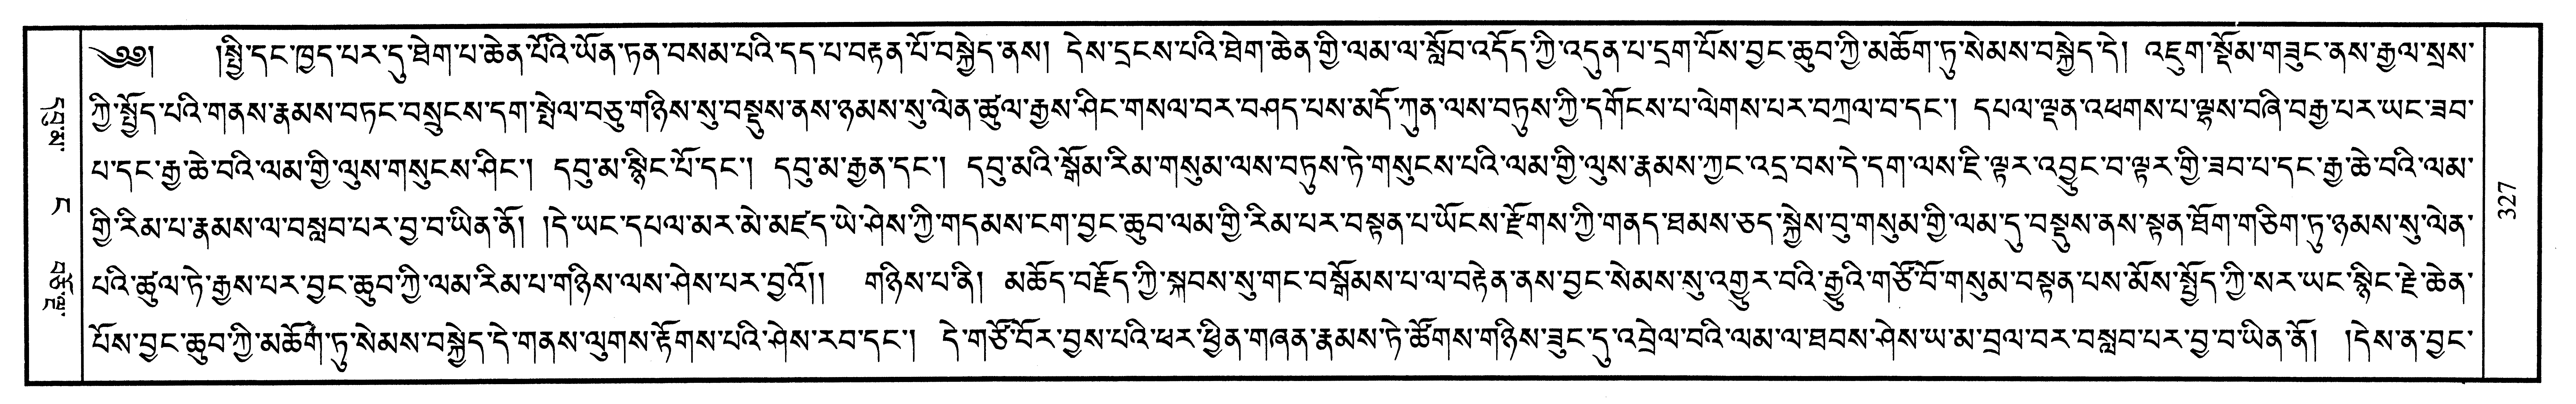༄༅། །སྤྱི་དང་ཁྱད་པར་དུ་ཐེག་པ་ཆེན་པོའི་ཡོན་ཏན་བསམ་པའི་དད་པ་བརྟན་པོ་བསྐྱེད་ནས། དེས་དྲངས་པའི་ཐེག་ཆེན་གྱི་ལམ་ལ་སློབ་འདོད་ཀྱི་འདུན་པ་དྲག་པོས་བྱང་ཆུབ་ཀྱི་མཆོག་ཏུ་སེམས་བསྐྱེད་དེ། འཇུག་སྡོམ་གཟུང་ནས་རྒྱལ་སྲས་
ཀྱི་སྤྱོད་པའི་གནས་རྣམས་བཏང་བསྲུངས་དག་སྤེལ་བཅུ་གཉིས་སུ་བསྡུས་ནས་ཉམས་སུ་ལེན་ཚུལ་རྒྱས་ཤིང་གསལ་བར་བཤད་པས་མདོ་ཀུན་ལས་བཏུས་ཀྱི་དགོངས་པ་ལེགས་པར་བཀྲལ་བ་དང་། དཔལ་ལྡན་འཕགས་པ་ལྷས་བཞི་བརྒྱ་པར་ཡང་ཟབ་
པ་དང་རྒྱ་ཆེ་བའི་ལམ་གྱི་ལུས་གསུངས་ཤིང་། དབུ་མ་སྙིང་པོ་དང་། དབུ་མ་རྒྱན་དང་། དབུ་མའི་སྒོམ་རིམ་གསུམ་ལས་བཏུས་ཏེ་གསུངས་པའི་ལམ་གྱི་ལུས་རྣམས་ཀྱང་འདྲ་བས་དེ་དག་ལས་ཇི་ལྟར་འབྱུང་བ་ལྟར་གྱི་ཟབ་པ་དང་རྒྱ་ཆེ་བའི་ལམ་
གྱི་རིམ་པ་རྣམས་ལ་བསླབ་པར་བྱ་བ་ཡིན་ནོ། །དེ་ཡང་དཔལ་མར་མེ་མཛད་ཡེ་ཤེས་ཀྱི་གདམས་ངག་བྱང་ཆུབ་ལམ་གྱི་རིམ་པར་བསྟན་པ་ཡོངས་རྫོགས་ཀྱི་གནད་ཐམས་ཅད་སྐྱེས་བུ་གསུམ་གྱི་ལམ་དུ་བསྡུས་ནས་སྟན་ཐོག་གཅིག་ཏུ་ཉམས་སུ་ལེན་
པའི་ཚུལ་ཏེ་རྒྱས་པར་བྱང་ཆུབ་ཀྱི་ལམ་རིམ་པ་གཉིས་ལས་ཤེས་པར་བྱའོ།། གཉིས་པ་ནི། མཆོད་བརྗོད་ཀྱི་སྐབས་སུ་གང་བསྒོམས་པ་ལ་བརྟེན་ནས་བྱང་སེམས་སུ་འགྱུར་བའི་རྒྱུའི་གཙོ་བོ་གསུམ་བསྟན་པས་མོས་སྤྱོད་ཀྱི་སར་ཡང་སྙིང་རྗེ་ཆེན་
པོས་བྱང་ཆུབ་ཀྱི་མཆོག་ཏུ་སེམས་བསྐྱེད་དེ་གནས་ལུགས་རྟོགས་པའི་ཤེས་རབ་དང་། དེ་གཙོ་བོར་བྱས་པའི་ཕར་ཕྱིན་གཞན་རྣམས་ཏེ་ཚོགས་གཉིས་ཟུང་དུ་འབྲེལ་བའི་ལམ་ལ་ཐབས་ཤེས་ཡ་མ་བྲལ་བར་བསླབ་པར་བྱ་བ་ཡིན་ནོ། །དེས་ན་བྱང་